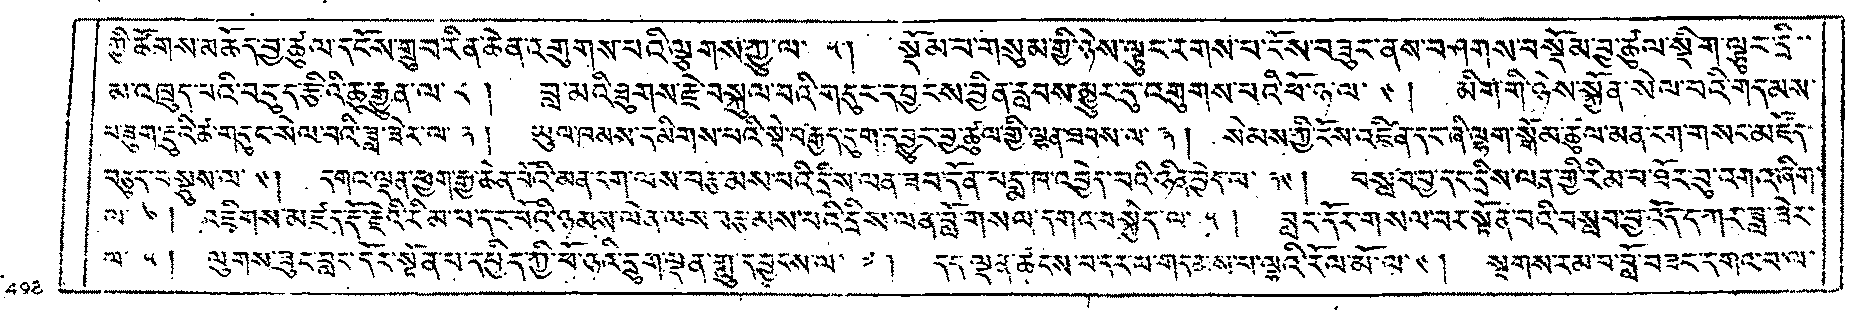ཀྱི་ཚོགས་མཆོད་བྱ་ཚུལ་དངོས་གྲུབ་རིན་ཆེན་འགུགས་པའི་ལྕགས་ཀྱུ་ལ ༥། སྡོམ་པ་གསུམ་གྱི་ཉེས་ལྟུང་རགས་པ་ངོས་བཟུང་ནས་བཤགས་བསྡོམས་བྱ་ཚུལ་སྡིག་ལྟུང་དྲི་
མ་འཁྲུད་པའི་བདུད་རྩིའི་ཆུ་རྒྱུན་ལ ༨། བླ་མའི་ཐུགས་རྗེ་བསྐུལ་བའི་གདུང་དབྱངས་བྱིན་རླབས་མྱུར་དུ་འགུགས་པའི་ཕོ་ཉ་ལ ༤། མིག་གི་ཉེས་སྐྱོན་སེལ་བའི་གདམས་
པ་ཟུག་རྔུའི་ཚ་གདུང་སེལ་བའི་ཟླ་ཟེར་ལ ༢། ཡུལ་ཁམས་དམིགས་པའི་སྡེ་བརྒྱད་དུག་དབྱུང་བྱ་ཚུལ་གྱི་ལྷན་ཐབས་ལ ༣། སེམས་ཀྱི་ངོས་འཛིན་དང་ཞི་ལྷག་སྒོམ་ཚུལ་མན་ངག་གསང་མཛོད་
བཅུད་བསྡུས་ལ ༤། དགའ་ལྡན་ཕྱག་རྒྱ་ཆེན་པོའི་མན་ངག་ལས་བརྩམས་པའི་དྲིས་ལན་ཟབ་དོན་པདམ་ཁ་འབྱེད་པའི་ཉིན་བྱེད་ལ ༢༤། བསླབ་བྱ་དང་དྲིས་ལན་གྱི་རིམ་པ་ཐོར་བུ་འགའ་ཞིག་
ལ ༦། འཇིགས་མཛད་རྡོ་རྗེའི་རིམ་པ་དང་པོའི་ཉམས་ལེན་ལས་བརྩམས་པའི་དྲིས་ལན་བློ་གསལ་དགའ་བསྐྱེད་ལ ༥། བླང་དོར་གསལ་བར་སྟོན་པའི་བསླབ་བྱ་འོད་དཀར་ཟླ་ཟེར་
ལ ༥། ལུགས་ཟུང་བླང་དོར་སྟོན་པ་དཔྱིད་ཀྱི་ཕོ་ཉའི་དྲུག་ལྡན་གླུ་དབྱངས་ལ ༧། དད་ལྡན་ཚངས་པ་དར་ལ་གདམས་པ་ལྷའི་རོལ་མོ་ལ ༤། སྔགས་རམ་པ་བློ་བཟང་དགའ་བ་ལ་